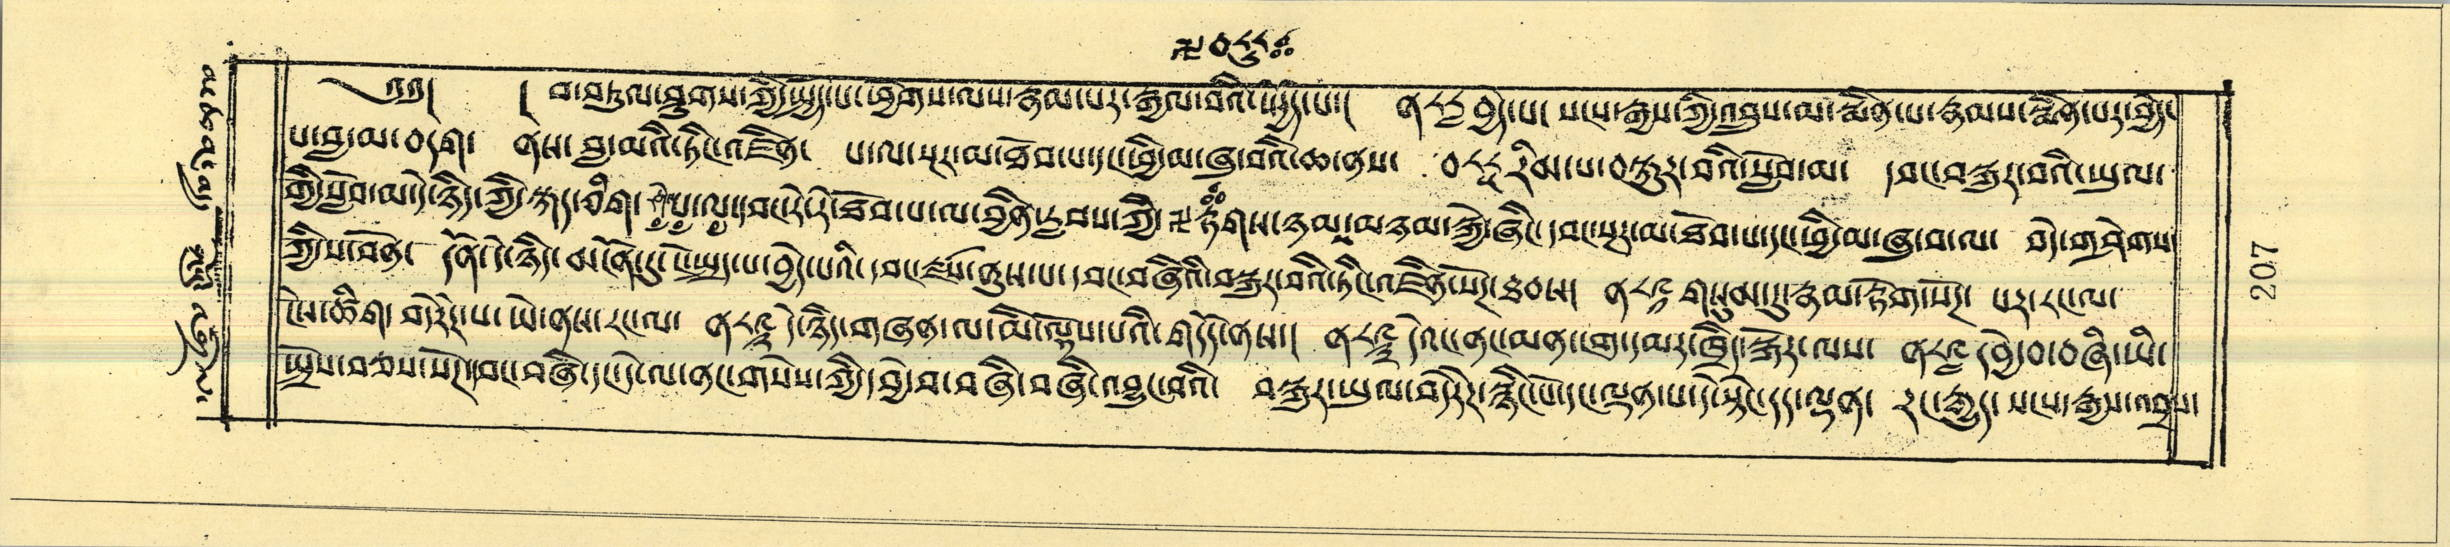བ་བཏུལ་ཤུགས་ཀྱི་སྤྱོད་པ་ཕྱོགས་ལས་རྣམ་པར་རྒྱལ་བའི་༼སྤྱོད་པ།༽ ན༨༨།༤ ༼བྱེད་པ་༽སངས་རྒྱས་ཀྱི་འབྲས་བུ་མ་སྨིན་པ་རྣམས་སྨིན་པར་བྱེད་
པ་བླ་མ་༼བདག་ནས་༽བླ་མའི་ཏིང་འཛིན་༼པ་ལ་༽སྔར་མ་ཐོབ་པ་དང་ཕྱི་མ་ཞུ་བའི་ཆ་ནས། བ༨༨།༥ ༼རིམ་༽པ་༼བསྐུར་༽བའི་སློབ་མ། དབང་བསྐུར་བའི་ཡུལ་
གྱི་སློབ་མ་དེ་ཉིད་ཀྱི་༼སྐད་ཅིག་༽༼ཤེས་པ་ལ་༽དབང་རེ་རེ་ཐོབ་པ་ལ་བྱིན་རླབས་ཀྱི་བ༨༨།༦ ༼རྟགས་༽ཉམས་མཉམ་སྐྱེ་ཞིང་དབང་སྔར་མ་ཐོབ་པ་དང་ཕྱི་མ་ཞུ་བ་ལ། བདེ་གཤེགས་
ཀྱི་ས་བོན། ༼དོན་༽དེ་ཉིད་༼མངོན་དུ་༽ངོ་སྤྲད་པ་༼བྱེད་པའི་༽དབང་རྫས་༼ནུས་པ་༽དབང་བཞིའི་བསྐུར་བའི་ཏིང་འཛིན་སོགས་༼ཐབས་༽ན༨༩།༡ ༼གསུམ་དུ་༽རྣམ་རྟོགས་སོགས་༼པར་༽རང་ལ་
༼ངེས་ཚིག་༽བདེར་བར་གཤེགས་པ་༼ཡེ་ནས་༽རང་ལ་ན༨༩།༢ དེ་ཉིད་གཞན་ལ་མི་ལྟོས་པའི་༼གདོད་ནས།༽ན༨༩།༣ ༼དེ་འང་༽ནང་མན་ངག་དམར་ཁྲིད་སྐོར་ལས། ན༨༩།༤ ༼དབྱེ་བ་བཞི་ཡི་༽
སྤྲོས་བཅས་སོགས་དབང་བཞི་དང་དེ་ལ་ནང་གསེས་ཀྱི་དབྱེ་བ་བཞི་བཞི་འབྱུང་བའི། བསྐུར་ཡུལ་བདེར་གཤེགས་སྙིང་པོ་དང་ལྡན་པ་དེ་སྟེང་༼དད་ལྡན་༽༼རང་རྒྱུད་༽སངས་རྒྱས་འབྲས་